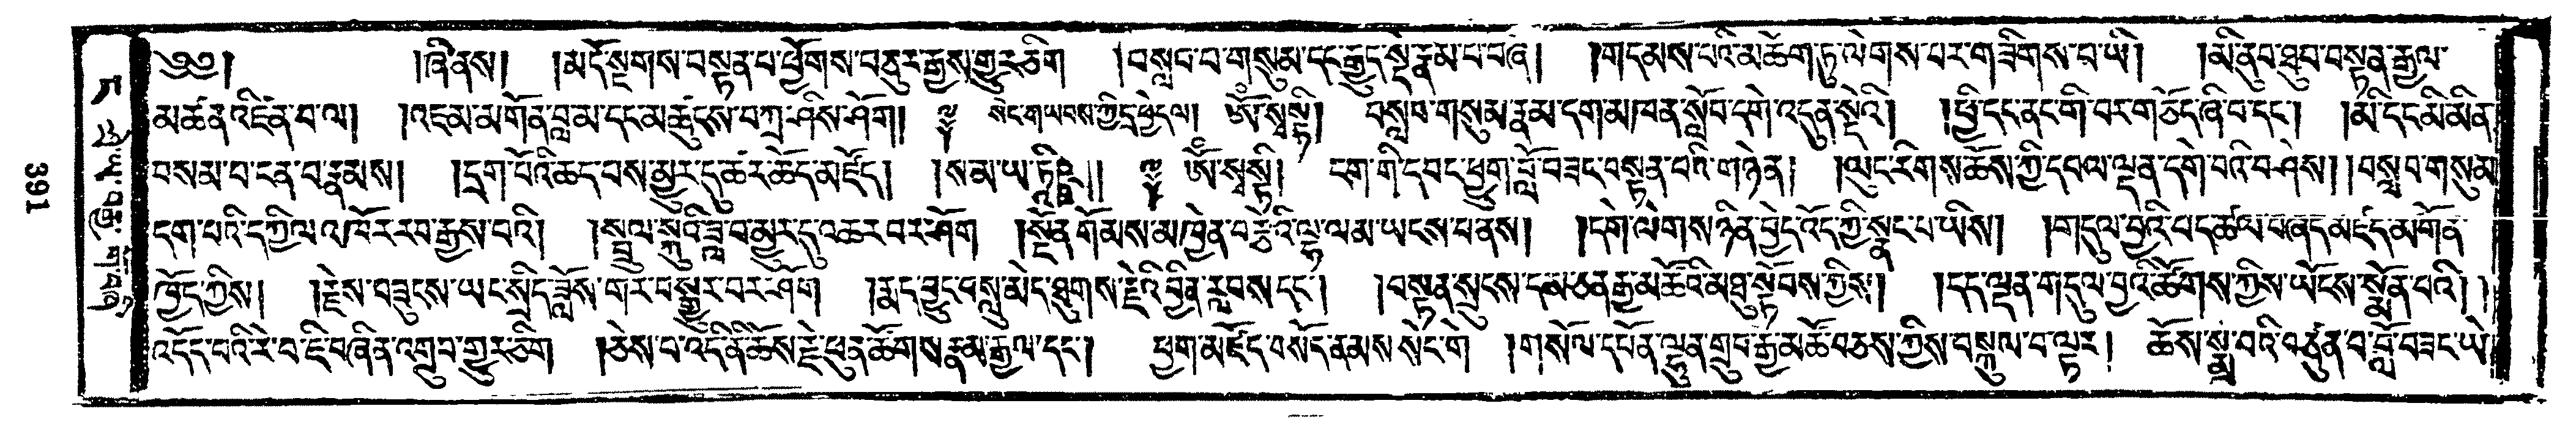༄༅། །ཞི་ནས། །མདོ་སྔགས་བསྟན་པ་ཕྱོགས་བཅུར་རྒྱས་གྱུར་ཅིག །བསླབ་པ་གསུམ་དང་རྒྱུད་སྡེ་རྣམ་པ་བཞི། །གདམས་པའི་མཆོག་ཏུ་ལེགས་པར་གཟིགས་པ་ཡི། །མི་ནུབ་ཐུབ་བསྟན་རྒྱལ་
མཚན་འཛིན་བ་ལ། །འཇམ་མགོན་བླ་མ་དང་མཚུངས་བཀྲ་ཤིས་ཤོག། ༈ སེང་གཡབས་ཀྱི་དྲ་ཕྱེད་ལ། ཨོཾ་སྭསྟི། བསླབ་གསུམ་རྣམ་དག་མཁན་སློབ་དགེ་འདུན་སྡེའི། །ཕྱི་དང་ནང་གི་བར་གཅོད་ཞི་བ་དང་། །མི་དང་མི་མིན་
བསམ་པ་ངན་བ་རྣམས། །དྲག་པོའི་ཆད་པས་མྱུར་དུ་ཚར་ཆོད་མཛོད། །ས་མ་ཡ་ཏཱིཥཊཿཨ།། ༈ ཨོཾ་སྭསྟི། ངག་གི་དབང་ཕྱུག་བློ་བཟང་བསྟན་པའི་གཉེན། །ལུང་རིགས་ཆོས་ཀྱི་དཔལ་ལྡན་དགེ་བའི་བཤེས། །བསླབ་གསུམ་
དག་པའི་དཀྱིལ་འཁོར་རབ་རྒྱས་པའི། །སྤྲུལ་སྐུའི་ཟླ་བ་མྱུར་དུ་འཆར་བར་ཤོག །སྔོན་གོམས་མཁྱེན་བརྩེའི་ལྷ་ལམ་ཡངས་པ་ནས། །དགེ་ལེགས་ཉིན་བྱེད་འོད་ཀྱི་སྣང་པ་ཡིས། །གདུལ་བྱའི་པད་ཚལ་བཞད་མཛད་མགོན་
ཁྱོད་ཀྱིས། །རྗེས་བཟུངས་ཡང་སྲིད་ཟློས་གར་བསྒྱུར་བར་ཤོག །རྨད་བྱུང་བསླུ་མེད་ཐུགས་རྗེའི་བྱིན་རླབས་དང་། །བསྟན་སྲུངས་དམ་ཅན་རྒྱ་མཚོའི་མཐུ་སྟོབས་ཀྱིས། །དད་ལྡན་གདུལ་བྱའི་ཚོགས་ཀྱིས་ཡོངས་སྨོན་པའི། །
འདོད་པའི་རེ་བ་ཇི་བཞིན་འགྲུབ་གྱུར་ཅིག །ཅེས་པ་འདི་ནི་ཆོས་རྗེ་ཕུན་ཚོགས་རྣམ་རྒྱལ་དང་། ཕྱག་མཛོད་བསོད་ནམས་སེང་གེ །གསོལ་དཔོན་ལྷུན་གྲུབ་རྒྱ་མཚོ་བཅས་ཀྱིས་བསྐུལ་བ་ལྟར། ཆོས་སྨྲ་བའི་བཙུན་པ་བློ་བཟང་ཡེ་